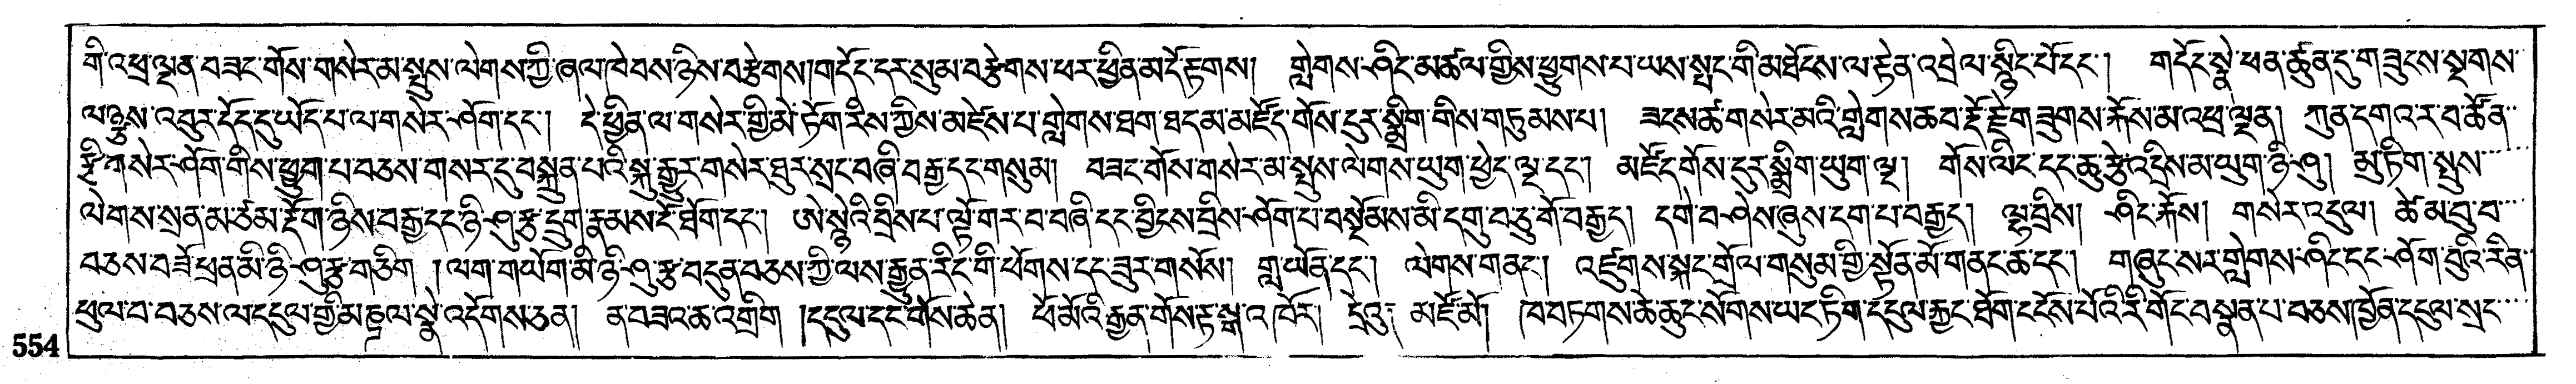གི་འཕྲ་ལྡན་བཟང་གོས་གསེར་མ་སྤུས་ལེགས་ཀྱི་ཞལ་ཁེབས་ཉིས་བརྩེགས། གདོང་དར་སུམ་བརྩེགས་ཕར་ཕྱིན་མདོ་རྟགས། གླེགས་ཤིང་མཚལ་གྱིས་བྱུགས་པ་ཡས་སྤང་གི་མཐོངས་ལ་རྟེན་འབྲེལ་སྙིང་པོ་དང་། གདོང་སྣེ་ཕན་ཚུན་དུ་གཟུངས་སྔགས་
ལཉྩས་འབུར་དོང་དུ་ཡོད་པ་ལ་གསེར་ཤོག་དང་། དེ་ཕྱིན་ལ་གསེར་གྱི་མེ་ཏོག་རིས་ཀྱིས་མཛེས་པ་གླེགས་ཐག་ཐད་མ་མཛད་གོས་དུར་སྨྲིག་གིས་གཏུམས་པ། ཟངས་ཚ་གསེར་མའི་གླེགས་ཆབ་རྡོ་རྗེ་གཟུགས་རྐོས་མ་འཕྲ་ལྡན། ཀུན་དགའ་ར་བ་ཚོན་
རྩི་གསེར་ཤོག་གིས་ཕྱུག་པ་བཅས་གསར་དུ་བསྐྲུན་པའི་སྐུ་རྒྱུར་གསེར་ཐུར་སྲང་བཞི་བརྒྱ་དང་གསུམ། བཟང་གོས་གསེར་མ་སྤུས་ལེགས་ཡུག་ཕྱེད་ལྔ་དང་། མཛོད་གོས་དུར་སྨྲིག་ཡུག་ལྔ། གོས་ལིང་དང་ཆུ་རྩེ་འདྲེས་མ་ཡུག་ཉི་ཤུ། མུ་ཏིག་སྤུས་
ལེགས་སྲན་མ་ཙམ་རྡོག་ཉིས་བརྒྱ་དང་ཉི་ཤུ་རྩ་དྲུག་རྣམས་ངོ་ཐོག་དང་། ཨེ་སྙེའི་བྲིས་པ་ལྟོ་གར་བ་བཞི་དང་བྱིངས་བྲིས་ཤོག་པ་བསྡོམས་མི་དགུ་བཅུ་གོ་བརྒྱད། དགེ་བཤེས་ཞུས་དག་པ་བརྒྱད། ལྷ་བྲིས། ཤིང་རྐོས། གསེར་འདུལ། ཚེམ་བུ་བ་
བཅས་བཟོ་ཕྲན་མི་ཉི་ཤུ་རྩ་གཅིག །ལག་གཡོག་མི་ཉི་ཤུ་རྩ་བདུན་བཅས་གྱི་ལས་རྒྱུན་རིང་གི་ཕོགས་དང་ཟུར་གསོས། གླ་ཡོན་དང་། ལེགས་གནང་། འཛུགས་སྒང་གྲོལ་གསུམ་གྱི་སྟོན་མོ་གནང་ཆ་དང་། གཞུང་སར་གླེགས་ཤིང་དང་ཤོག་བུའི་རིན་
ཕུལ་བ་བཅས་ལ་དངུལ་གྱི་མཎྜལ་སྣེ་འདོགས་ཅན། ན་བཟའ་ཆ་འགྲིག །དངུལ་དང་གོས་ཆེན། ཕོ་མོའི་རྒྱན་གོས་རྟ་སྒ་འཁོར། དྲེའུ། མཛོ་མོ། ཁ་བཏགས་ཆེ་ཆུང་སོགས་ཡང་ཏིག་དངུལ་རྐྱང་ཐོག་དངོས་པོའི་རི་གོང་བསྣན་བ་བཅས་ཁྱོན་དངུལ་སྲང་